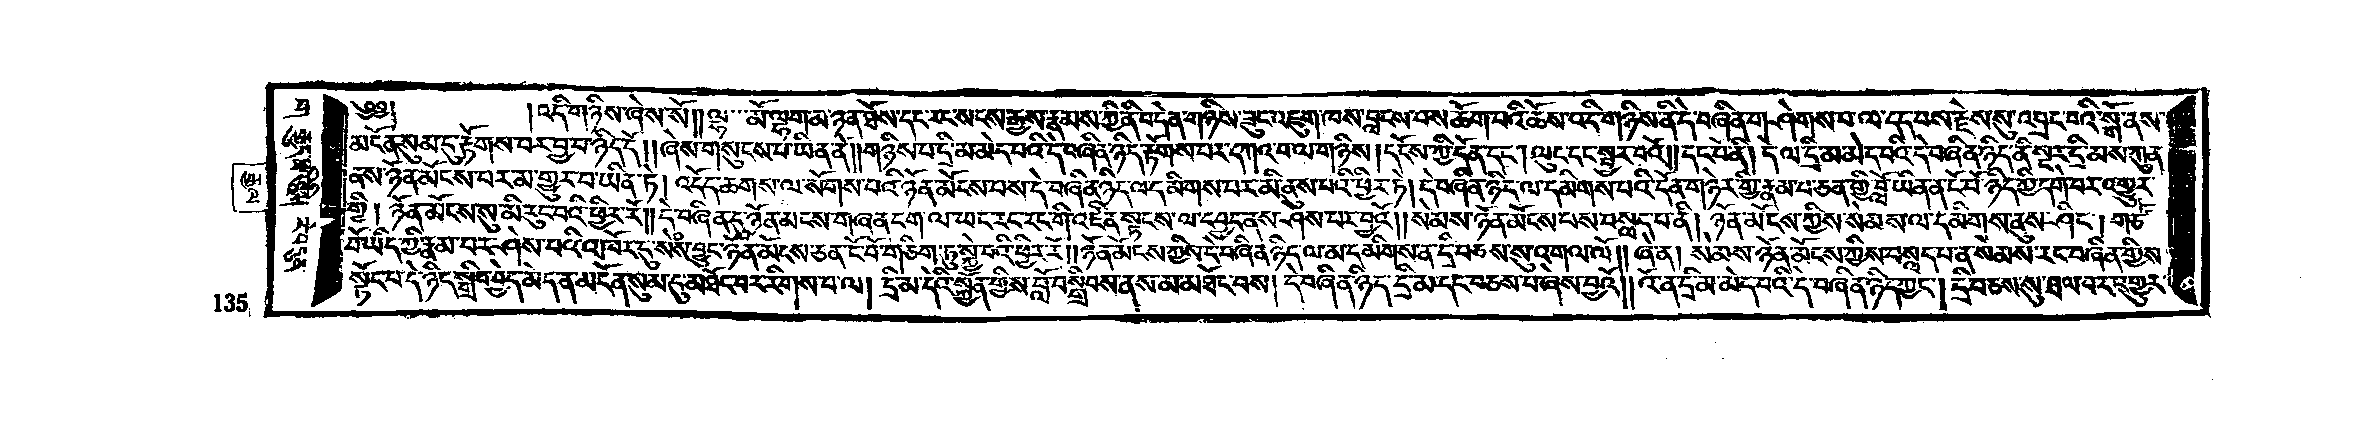༄༅། །འདི་གཉིས་ཞེས་སོ། །ལྷ་མོ་ལྷག་མ་ཉན་ཐོས་དང་རང་སངས་རྒྱས་རྣམས་ཀྱི་ནི་བདེན་གཉིས་ཟུང་འཇུག་ཁས་བླངས་པས་ཆོག་པའི་ཆོས་འདི་གཉིས་ནི་དེ་བཞིན་གཤེགས་པ་ལ་དད་པས་རྗེས་སུ་འབྲང་བའི་སྒོ་ནས་
མངོན་སུམ་དུ་རྟོགས་པར་བྱ་བ་ཉིད་དོ། །ཞེས་གསུངས་པ་ཡིན་ནོ། །གཉིས་པ་དྲི་མ་མེད་པའི་དེ་བཞིན་ཉིད་རྟོགས་པར་དཀའ་བ་ལ་གཉིས། དངོས་ཀྱི་དོན་དང་། ལུང་དང་སྦྱར་བའོ། །དང་པོ་ནི། དེ་ལ་དྲི་མ་མེད་པའི་དེ་བཞིན་ཉིད་ནི་སྔར་དྲི་མས་ཀུན་
ནས་ཉོན་མོངས་པར་མ་གྱུར་པ་ཡིན་ཏེ། འདོད་ཆགས་ལ་སོགས་པའི་ཉོན་མོངས་པས་དེ་བཞིན་ཉིད་ལ་དམིགས་པར་མི་ནུས་པའི་ཕྱིར་ཏེ། དེ་བཞིན་ཉིད་ལ་དམིགས་པའི་དོན་གཉེར་གྱི་རྣམ་པ་ཅན་གྱི་བློ་ཡིན་ན་ངོ་བོ་ཉིད་ཀྱི་དགེ་བར་འགྱུར་
གྱི༑ ཉོན་མོངས་སུ་མི་རུང་བའི་ཕྱིར་རོ། །དེ་བཞིན་དུ་ཉོན་མོངས་གཞན་དག་ལ་ཡང་རང་རང་གི་འཛིན་སྟངས་ལ་དཔྱད་ནས་ཤེས་པར་བྱའོ། །སེམས་ཉོན་མོངས་པས་བསླད་པ་ནི། ཉོན་མོངས་ཀྱིས་སེམས་ལ་དམིགས་ནུས་ཤིང་། གཙོ་
བོ་ཡིད་ཀྱི་རྣམ་པར་ཤེས་པའི་འཁོར་དུ་སེམས་བྱུང་ཉོན་མོངས་ཅན་ངོ་བོ་གཅིག་ཏུ་སྐྱེ་བའི་ཕྱིར་རོ། །ཉོན་མོངས་ཀྱིས་དེ་བཞིན་ཉིད་ལ་མ་དམིགས་ན་དྲི་བཅས་སུ་འགལ་ལོ། །ཞེ་ན། སེམས་ཉོན་མོངས་ཀྱིས་བསླད་པ་ན་སེམས་རང་བཞིན་གྱིས་
སྟོང་པ་དེ་ཉིད་སྒྲིབ་བྱེད་མེད་ན་མངོན་སུམ་དུ་མཐོང་བར་རིགས་པ་ལ། དྲི་མ་དེའི་སྐྱོན་གྱིས་བློ་བསྒྲིབས་ནས་མ་མཐོང་བས། དེ་བཞིན་ཉིད་དྲི་མ་དང་བཅས་པ་ཞེས་བྱའོ། །འོ་ན་དྲི་མ་མེད་པའི་དེ་བཞིན་ཉིད་ཀྱང་། དྲི་བཅས་སུ་ཐལ་བར་འགྱུར་